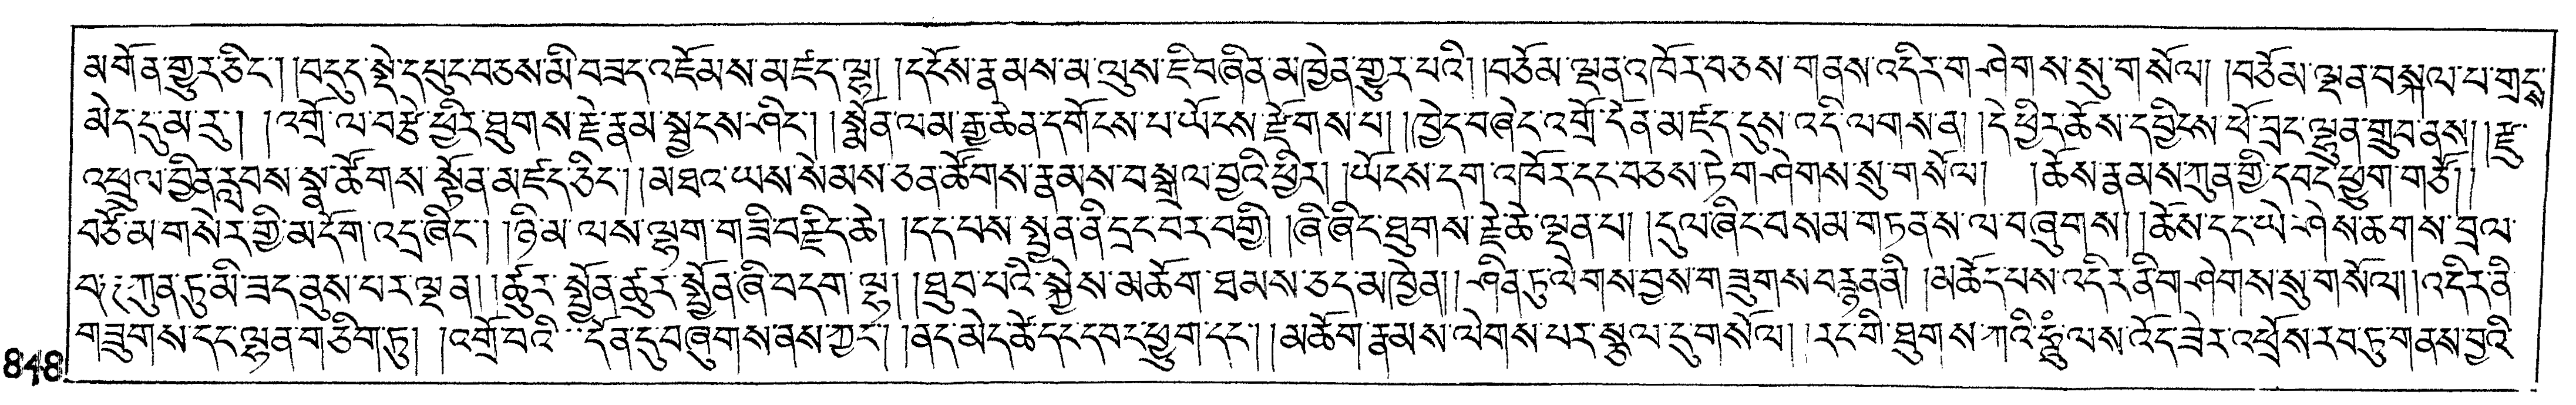མགོན་གྱུར་ཅིང་། །བདུད་སྡེ་དཔུང་བཅས་མི་བཟད་འཇོམས་མཛད་ལྷ། །དངོས་རྣམས་མ་ལུས་ཇི་བཞིན་མཁྱེན་གྱུར་པའི། །བཅོམ་ལྡན་འཁོར་བཅས་གནས་འདིར་གཤེགས་སུ་གསོལ། །བཅོམ་ལྡན་བསྐལ་པ་གྲངས་
མེད་དུ་མ་རུ། །འགྲོ་ལ་བརྩེ་ཕྱིར་ཐུགས་རྗེ་རྣམ་སྦྱངས་ཤིང་། །སྨོན་ལམ་རྒྱ་ཆེན་དགོངས་པ་ཡོངས་རྫོགས་པ། །ཁྱེད་བཞེང་འགྲོ་དོན་མཛད་དུས་འདི་ལགས་ན། །དེ་ཕྱིར་ཆོས་དབྱིངས་ཕོ་བྲང་ལྷུན་གྲུབ་ནས། །རྫུ་
འཕྲུལ་བྱིན་རླབས་སྣ་ཚོགས་སྟོན་མཛད་ཅིང་། །མཐའ་ཡས་སེམས་ཅན་ཚོགས་རྣམས་བསྒྲལ་བྱའི་ཕྱིར། །ཡོངས་དག་འཁོར་དང་བཅས་ཏེ་གཤེགས་སུ་གསོལ། །ཆོས་རྣམས་ཀུན་གྱི་དབང་ཕྱུག་གཙོ། །
བཙོ་མ་གསེར་གྱི་མདོག་འདྲ་ཞིང་། །ཉི་མ་ལས་ལྷག་གཟི་བརྗིད་ཆེ། །དད་པས་སྤྱན་ནི་དྲང་བར་བགྱི། །ཞི་ཞིང་ཐུགས་རྗེ་ཆེ་ལྡན་པ། །དུལ་ཞིང་བསམ་གཏན་ས་ལ་བཞུགས། །ཆོས་དང་ཡེ་ཤེས་ཆགས་བྲལ་
བ༑ ༑ཀུན་ཏུ་མི་ཟད་ནུས་པར་ལྡན། །ཚུར་སྤྱོན་ཚུར་སྤྱོན་ཞི་བདག་ལྷ། །ཐུབ་པའི་སྐྱེས་མཆོག་ཐམས་ཅད་མཁྱེན། །ཤིན་ཏུ་ལེགས་བྱས་གཟུགས་བརྙན་ནི། །མཆོད་པས་འདིར་ནི་གཤེགས་སུ་གསོལ། །འདིར་ནི་
གཟུགས་དང་ལྷན་གཅིག་ཏུ། །འགྲོ་བའི་དོན་དུ་བཞུགས་ནས་ཀྱང་། །ནད་མེད་ཚེ་དང་དབང་ཕྱུག་དང་། །མཆོག་རྣམས་ལེགས་པར་སྩལ་དུ་གསོལ། །རང་གི་ཐུགས་ཀའི་ཧཱུཾ་ལས་འོད་ཟེར་འཕྲོས་རབ་ཏུ་གནས་བྱའི་